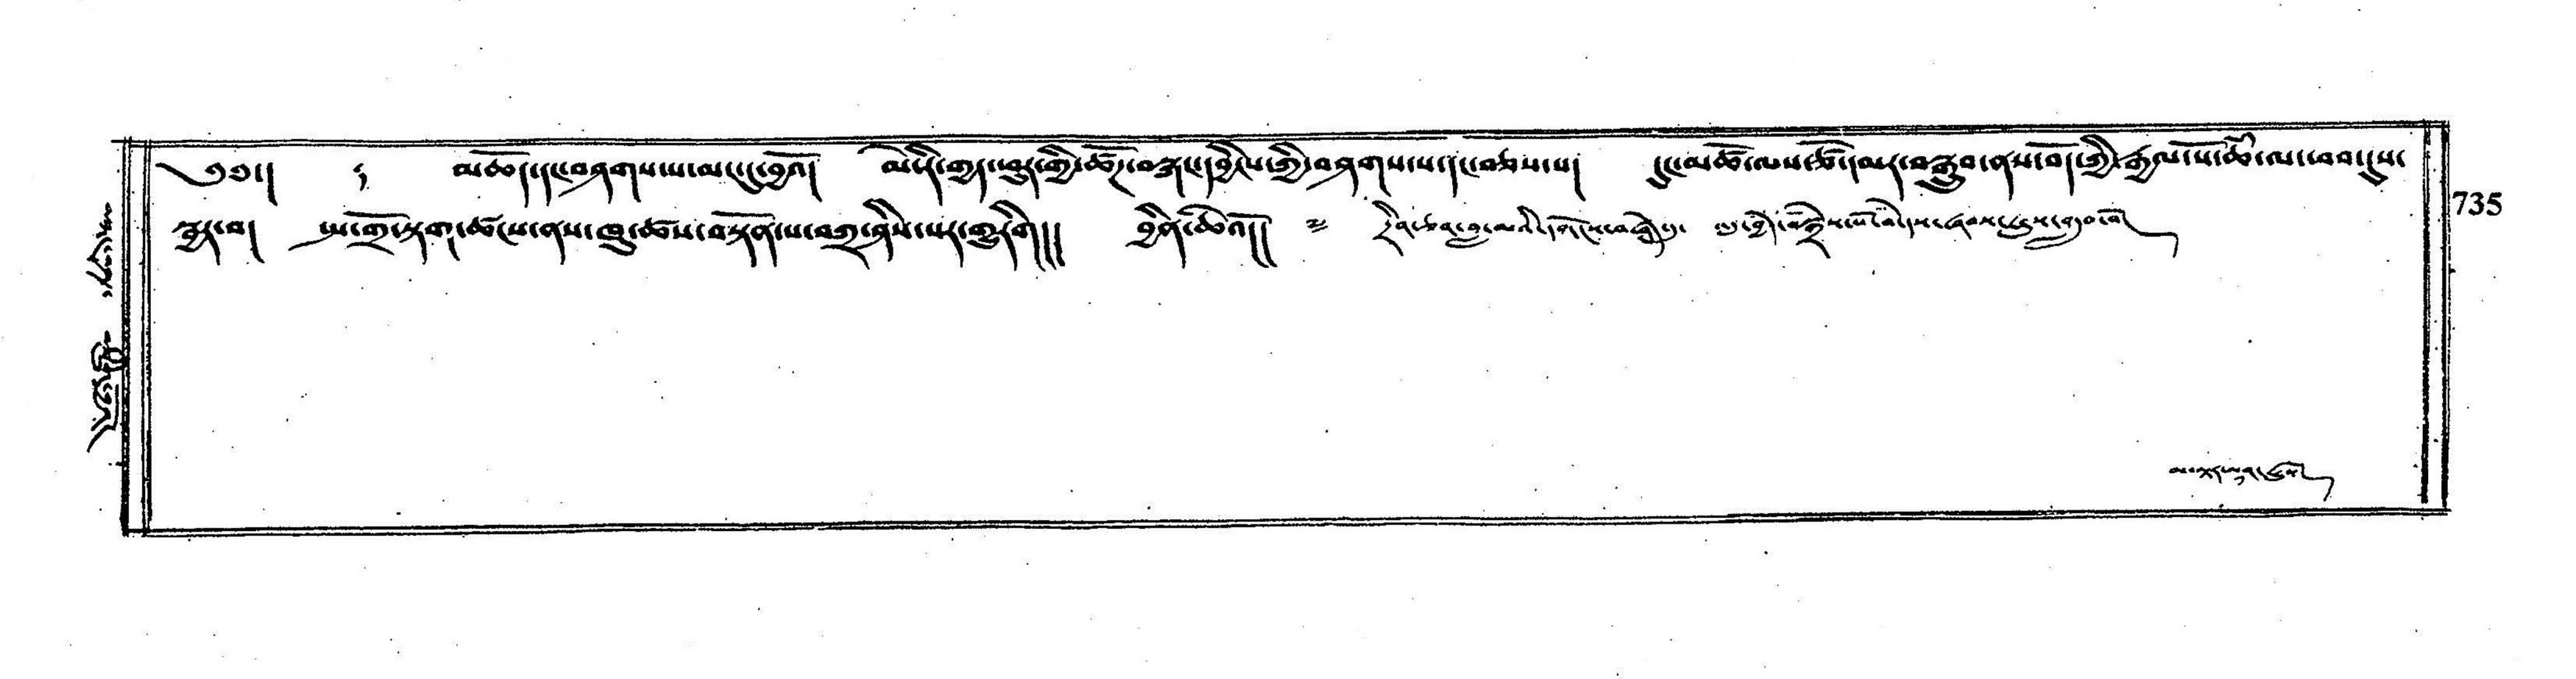མཆོད་དང་བཤགས་པ་མང་དུ་བྱའོ། མེ་རི་གྱད་ཕུར་གྱི་ཚོགས་བསྐང་དབྱིངས་ཀྱི་བཤགས་པ་དང་བཅས་པ། དུང་མཚོ་ལས་ཙོ་དམར་བསྒྲུབ་ནས་བོད་ཀྱི་རྒྱལ་པོ་ཆམ་ལ་ཕབ་དུས་
སྦྱར་བ། སྤ་གྲོ་སྟག་ཚངས་ནས་ཁུ་ཚས་བསྟོན་པ་བཀྲ་ཤིས་པར་གྱུར་ཅིག བྱིན་ཆེའོ།། དྲིན་ཅན་བླ་མའི་དགོངས་བཞེད་དུ། འདུ་བྱེད་བསྒྲེས་པོ་བ་དེས་ཞབས་ཞུས་གྲུབ་བོ། །